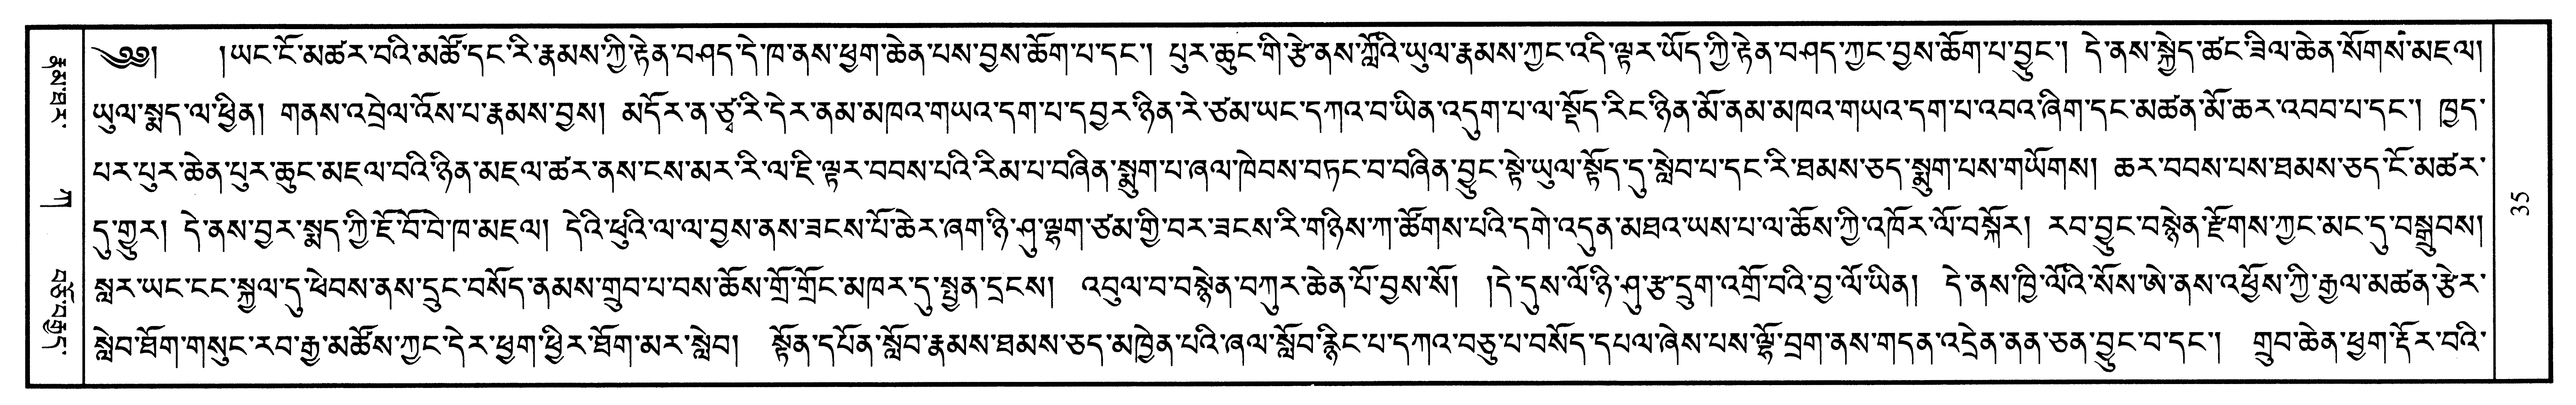༄༅། །ཡང་ངོ་མཚར་བའི་མཚོ་དང་རི་རྣམས་ཀྱི་རྟེན་བཤད་དེ་ཁ་ནས་ཕྱག་ཆེན་པས་བྱས་ཆོག་པ་དང་། པུར་ཆུང་གི་རྩེ་ནས་ཀློའི་ཡུལ་རྣམས་ཀྱང་འདི་ལྟར་ཡོད་ཀྱི་རྟེན་བཤད་ཀྱང་བྱས་ཆོག་པ་བྱུང་། དེ་ནས་སྐྱེད་ཚང་ཟིལ་ཆེན་སོགས་མཇལ།
ཡུལ་སྨད་ལ་ཕྱིན། གནས་འབྲེལ་འོས་པ་རྣམས་བྱས། མདོར་ན་ཙྭ་རི་དེར་ནམ་མཁའ་གཡའ་དག་པ་དབྱར་ཉིན་རེ་ཙམ་ཡང་དཀའ་བ་ཡིན་འདུག་པ་ལ་སྡོད་རིང་ཉིན་མོ་ནམ་མཁའ་གཡའ་དག་པ་འབའ་ཞིག་དང་མཚན་མོ་ཆར་འབབ་པ་དང་། ཁྱད་
པར་པུར་ཆེན་པུར་ཆུང་མཇལ་བའི་ཉིན་མཇལ་ཚར་ནས་ངས་མར་རི་ལ་ཇི་ལྟར་བབས་པའི་རིམ་པ་བཞིན་སྨུག་པ་ཞལ་ཁེབས་བཏང་བ་བཞིན་བྱུང་སྟེ་ཡུལ་སྟོད་དུ་སླེབ་པ་དང་རི་ཐམས་ཅད་སྨུག་པས་གཡོགས། ཆར་བབས་པས་ཐམས་ཅད་ངོ་མཚར་
དུ་གྱུར། དེ་ནས་བྱར་སྨད་ཀྱི་ཇོ་བོ་བེ་ཁ་མཇལ། དེའི་ཕུའི་ལ་ལ་བྱས་ནས་ཟངས་པོ་ཆེར་ཞག་ཉི་ཤུ་ལྷག་ཙམ་གྱི་བར་ཟངས་རི་གཉིས་ཀ་ཚོགས་པའི་དགེ་འདུན་མཐའ་ཡས་པ་ལ་ཆོས་ཀྱི་འཁོར་ལོ་བསྐོར། རབ་བྱུང་བསྙེན་རྫོགས་ཀྱང་མང་དུ་བསྒྲུབས།
སླར་ཡང་ངང་སྐྱལ་དུ་ཕེབས་ནས་དྲུང་བསོད་ནམས་གྲུབ་པ་བས་ཆོས་གྲོ་གྲོང་མཁར་དུ་སྤྱན་དྲངས། འབུལ་བ་བསྙེན་བཀུར་ཆེན་པོ་བྱས་སོ། །དེ་དུས་ལོ་ཉི་ཤུ་རྩ་དྲུག་འགྲོ་བའི་བྱ་ལོ་ཡིན། དེ་ནས་ཁྱི་ལོའི་སོས་ཨེ་ནས་འཕྱོས་ཀྱི་རྒྱལ་མཚན་རྩེར་
སླེབ་ཐོག་གསུང་རབ་རྒྱ་མཚོས་ཀྱང་དེར་ཕྱག་ཕྱིར་ཐོག་མར་སླེབ། སྟོན་དཔོན་སློབ་རྣམས་ཐམས་ཅད་མཁྱེན་པའི་ཞལ་སློབ་རྙིང་པ་དཀའ་བཅུ་པ་བསོད་དཔལ་ཞེས་པས་ལྷོ་བྲག་ནས་གདན་འདྲེན་ནན་ཅན་བྱུང་བ་དང་། གྲུབ་ཆེན་ཕྱག་རྡོར་བའི་